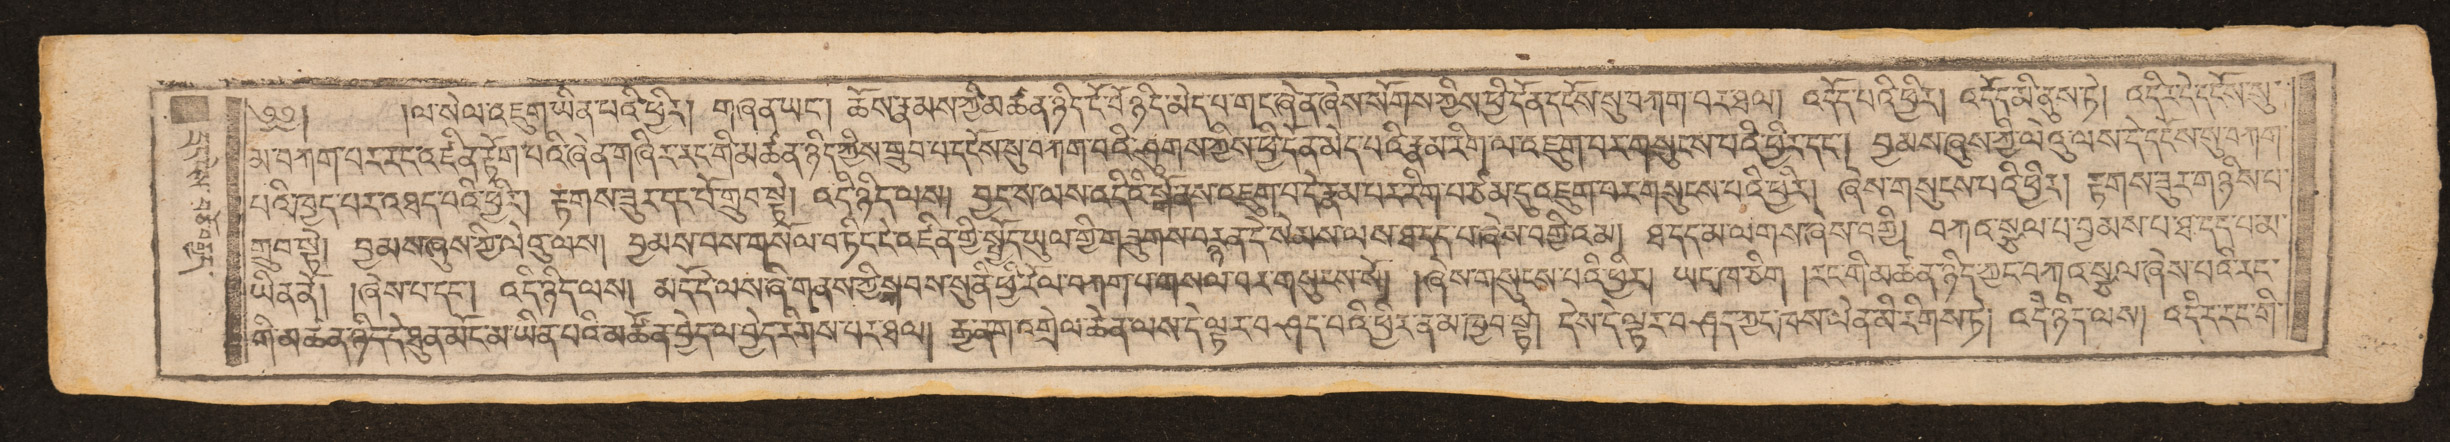༄༅། །ལ་སེལ་འཇུག་ཡིན་པའི་ཕྱིར། གཞན་ཡང་། ཆོས་རྣམས་ཀྱི་མཚན་ཉིད་ངོ་བོ་ཉིད་མེད་པ་གང་ཞེ་ན་ཞེས་སོགས་ཀྱིས་ཕྱི་དོན་དངོས་སུ་བཀག་པར་ཐལ། འདོད་པའི་ཕྱིར། འདོད་མི་ནུས་ཏེ། འདིར་དེ་དངོས་སུ་
མ་བཀག་པར་རང་འཛིན་རྟོག་པའི་ཞེན་གཞིར་རང་གི་མཚན་ཉིད་ཀྱིས་གྲུབ་པ་དངོས་སུ་བཀག་པའི་ཤུགས་ཀྱིས་ཕྱི་དོན་མེད་པའི་རྣམ་རིག་ལ་འཇུག་པར་གསུངས་པའི་ཕྱིར་དང་། བྱམས་ཞུས་ཀྱི་ལེའུ་ལས་དེ་དངོས་སུ་བཀག་
པའི་ཁྱད་པར་འཐད་པའི་ཕྱིར། རྟགས་ཟུར་དང་པོ་གྲུབ་སྟེ། འདི་ཉིད་ལས། བྱང་ས་ལས་འདིའི་སྒོ་ནས་འཇུག་པ་དེ་རྣམ་པར་རིག་པ་ཙམ་དུ་འཇུག་པར་གསུངས་པའི་ཕྱིར། ཞེས་གསུངས་པའི་ཕྱིར། རྟགས་ཟུར་གཉིས་པ་
གྲུབ་སྟེ། བྱམས་ཞུས་ཀྱི་ལེའུ་ལས། བྱམས་པས་གསོལ་བ་ཏིང་ངེ་འཛིན་གྱི་སྤྱོད་ཡུལ་གྱི་གཟུགས་བརྙན་དེ་སེམས་ལས་ཐ་དད་པ་ཞེས་བགྱི་འམ། ཐ་དད་མ་ལགས་ཞེས་བགྱི། བཀའ་སྩལ་བ་བྱམས་པ་ཐ་དད་པ་མ་
ཡིན་ནོ། །ཞེས་པ་དང་། འདི་ཉིད་ལས། མདོ་དེ་ལས་ཞི་གནས་ཀྱི་སྐབས་སུ་ནི་ཕྱི་རོལ་བཀག་པ་གསལ་བར་གསུངས་སོ། །ཞེས་གསུངས་པའི་ཕྱིར། ཡང་ཁ་ཅིག །རང་གི་མཚན་ཉིད་ཀྱང་བཀའ་སྩལ་ཞེས་པའི་རང་
གི་མཚན་ཉིད་དེ་ཐུན་མོང་མ་ཡིན་པའི་མཚོན་བྱེད་ལ་བྱེད་རིགས་པར་ཐལ། རྒྱ་ནག་འགྲེལ་ཆེན་ལས་དེ་ལྟར་བཤད་པའི་ཕྱིར་ན་མ་ཁྱབ་སྟེ། དེས་དེ་ལྟར་བཤད་ཀྱང་ཁས་ལེན་མི་རིགས་ཏེ། འདི་ཉིད་ལས། འདིར་རང་གི་